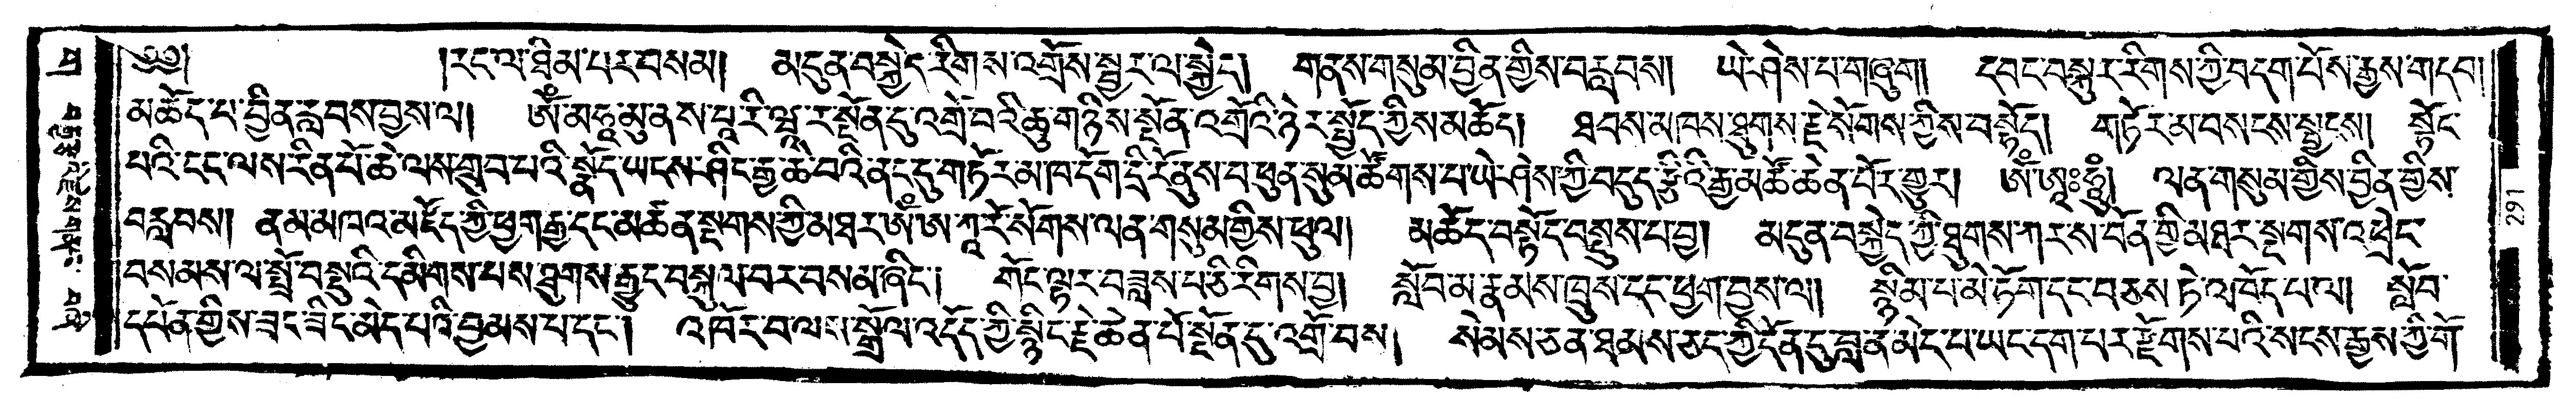༄༅། །རང་ལ་ཐིམ་པར་བསམ། མདུན་བསྐྱེད་རིགས་འགྲོས་སྦྱར་ལ་སྐྱེད། གནས་གསུམ་བྱིན་གྱིས་བརླབས། ཡེ་ཤེས་པ་གཞུག། དབང་བསྐུར་རིགས་ཀྱི་བདག་པོས་རྒྱས་གདབ།
མཆོད་པ་བྱིན་རླབས་བྱས་ལ། ཨོཾ་མཧཱ་མུ་ན་ས་པཱ་རི་ཝཱ་ར་སྔོན་དུ་འགྲོ་བའི་ཆུ་གཉིས་སྔོན་འགྲོའི་ཉེར་སྤྱོད་ཀྱིས་མཆོད། ཐབས་མཁས་ཐུགས་རྗེ་སོགས་ཀྱིས་བསྟོད། གཏོར་མ་བསངས་སྦྱངས། སྟོང་
པའི་ངང་ལས་རིན་པོ་ཆེ་ལས་གྲུབ་པའི་སྣོད་ཡངས་ཤིང་རྒྱ་ཆེ་བའི་ནང་དུ་གཏོར་མ་ཁ་དོག་དྲི་རོ་ནུས་པ་ཕུན་སུམ་ཚོགས་པ་ཡེ་ཤེས་ཀྱི་བདུད་རྩིའི་རྒྱ་མཚོ་ཆེན་པོར་གྱུར། ཨོཾ་ཨཱཿཧཱུཾ། ལན་གསུམ་གྱིས་བྱིན་གྱིས་
བརླབས། ནམ་མཁའ་མཛོད་ཀྱི་ཕྱག་རྒྱ་དང་མཚན་སྔགས་ཀྱི་མཐར་ཨོཾ་ཨ་ཀཱ་རོ་སོགས་ལན་གསུམ་གྱིས་ཕུལ། མཆོད་བསྟོད་བསྡུས་པ་བྱ། མདུན་བསྐྱེད་ཀྱི་ཐུགས་ཀར་ས་བོན་གྱི་མཐར་སྔགས་འཕྲེང་
བསམས་ལ་སྤྲོ་བསྡུའི་དམིགས་པས་ཐུགས་རྒྱུད་བསྐུལ་བར་བསམ་ཞིང་། གོང་ལྟར་བཟླས་པ་ཅི་རིགས་བྱ། སློབ་མ་རྣམས་ཁྲུས་དང་ཕྱག་བྱས་ལ། སྙིམ་པ་མེ་ཏོག་དང་བཅས་ཏེ་འཁོད་པ་ལ། སློབ་
དཔོན་གྱིས་ཟང་ཟིང་མེད་པའི་བྱམས་པ་དང་། འཁོར་བ་ལས་སྒྲོལ་འདོད་ཀྱི་སྙིང་རྗེ་ཆེན་པོ་སྔོན་དུ་འགྲོ་བས། སེམས་ཅན་ཐམས་ཅད་ཀྱི་དོན་དུ་བླ་ན་མེད་པ་ཡང་དག་པར་རྫོགས་པའི་སངས་རྒྱས་ཀྱི་གོ་